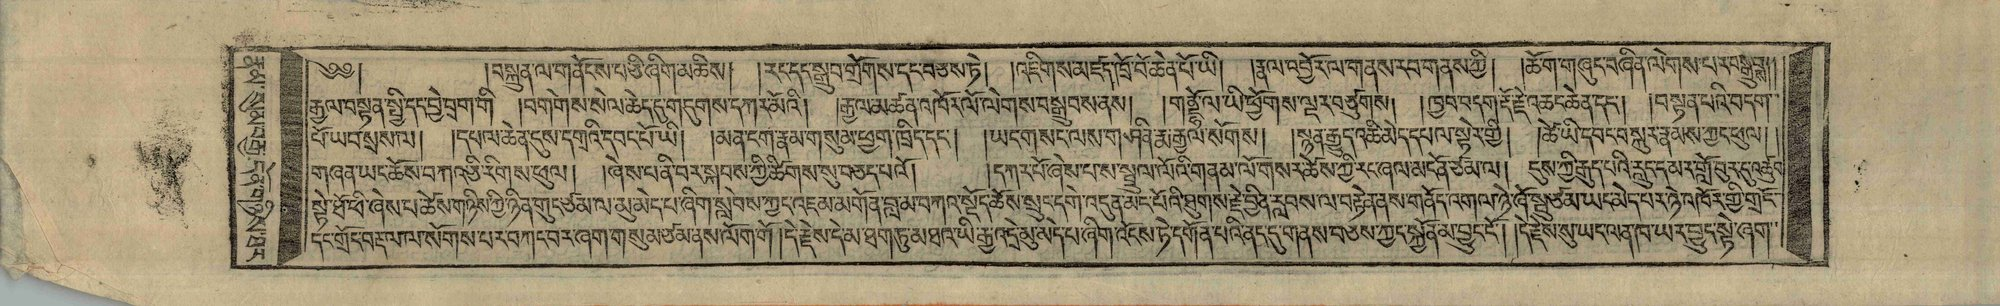༄༅། །བསྐྲུན་ལ་གནོངས་པ་ཅི་ཞིག་མཆིས། །རང་དང་སྒྲུབ་གྲོགས་དང་བཅས་ཏེ། །འཇིགས་མཛད་ཁྲོ་བོ་ཆེན་པོ་ཡི། །རྣལ་འབྱོར་ལ་གནས་རབ་གནས་ཀྱི། །ཆོག་གཞུང་བཞིན་ལེགས་པར་བསྒྲུབས། །
རྒྱལ་བསྟན་སྤྱི་དང་བྱེ་བྲག་གི །བགེགས་སེལ་ཆེད་དུ་གདུགས་དཀར་མོའི། །རྒྱལ་མཚན་འཁོར་ལོ་ལེགས་བསྒྲུབས་ནས། །གནྡྷོ་ལ་ཡི་ཕྱོགས་ལྔར་བཙུགས། །ཁྱབ་བདག་རྡོ་རྗེ་འཆང་ཆེན་དང་། །བསྟན་པའི་བདག་
པོ་ཡབ་སྲས་ལ། །དཔལ་ཆེན་དུས་དགྲའི་དབང་པོ་ཡི། །མན་ངག་རྣམ་གསུམ་ཕྱག་ཁྲིད་དང་། །ཡང་གསང་ལས་གཤིན་རྨ་རྒྱལ་སོགས། །སྙན་རྒྱུད་འཆི་མེད་དཔལ་སྟེར་གྱི། །ཚེ་ཡི་དབང་བསྐུར་རྣམས་ཀྱང་ཕུལ། །
གཞན་ཡང་ཆོས་བཀའ་ཅི་རིགས་ཕུལ། །ཞེས་པ་ནི་བར་སྐབས་ཀྱི་ཚིགས་སུ་བཅད་པའོ། །དཀར་པོ་ཞེས་པ་ས་སྤྲུལ་ལོའི་གནམ་ལོ་གསར་ཚེས་ཀྱི་རང་ཞལ་མངོན་ཙམ་ལ། དུས་ཀྱི་རྒུད་པའི་རླུང་དམར་གློ་བུར་དུ་འཚུབ་
སྟེ་ཐོ་ཕི་ཞེས་པ་ཚེས་གཉིས་ཀྱི་ཉིན་གུང་ཙམ་ལ་མུ་མེད་པ་ཞིག་སླེབས་ཀྱང་འཇམ་མགོན་བླ་མ་བཀའ་སྡོད་ཆོས་སྲུང་དགེ་འདུན་མང་པོའི་ཐུགས་རྗེ་བྱིན་རླབས་ལ་བརྟེན་ནས་གནོད་འགལ་ཉེ་ཞོ་སྦུ་ཙམ་ཡང་མེད་པར་ཉེ་འཁོར་གྱི་གྲོང་
དང་གྲོང་བརྡལ་ལ་སོགས་པར་བཀང་བར་ཞག་གསུམ་ཙམ་ནས་ལོག་གོ །དེ་རྗེས་སེ་མ་ཐག་ཏུ་མཐའ་ཡི་རྒྱ་འདྲེ་མུ་མེད་པ་ཞིག་འོངས་ཏེ་དགོན་པའི་ནང་དུ་གནས་བཅས་ཀྱང་སྐྱོན་མ་བྱུང་ངོ། །དེ་རྗེས་སུ་ཡང་ལན་ཁ་ཡར་བྱུང་སྟེ་ཞག་